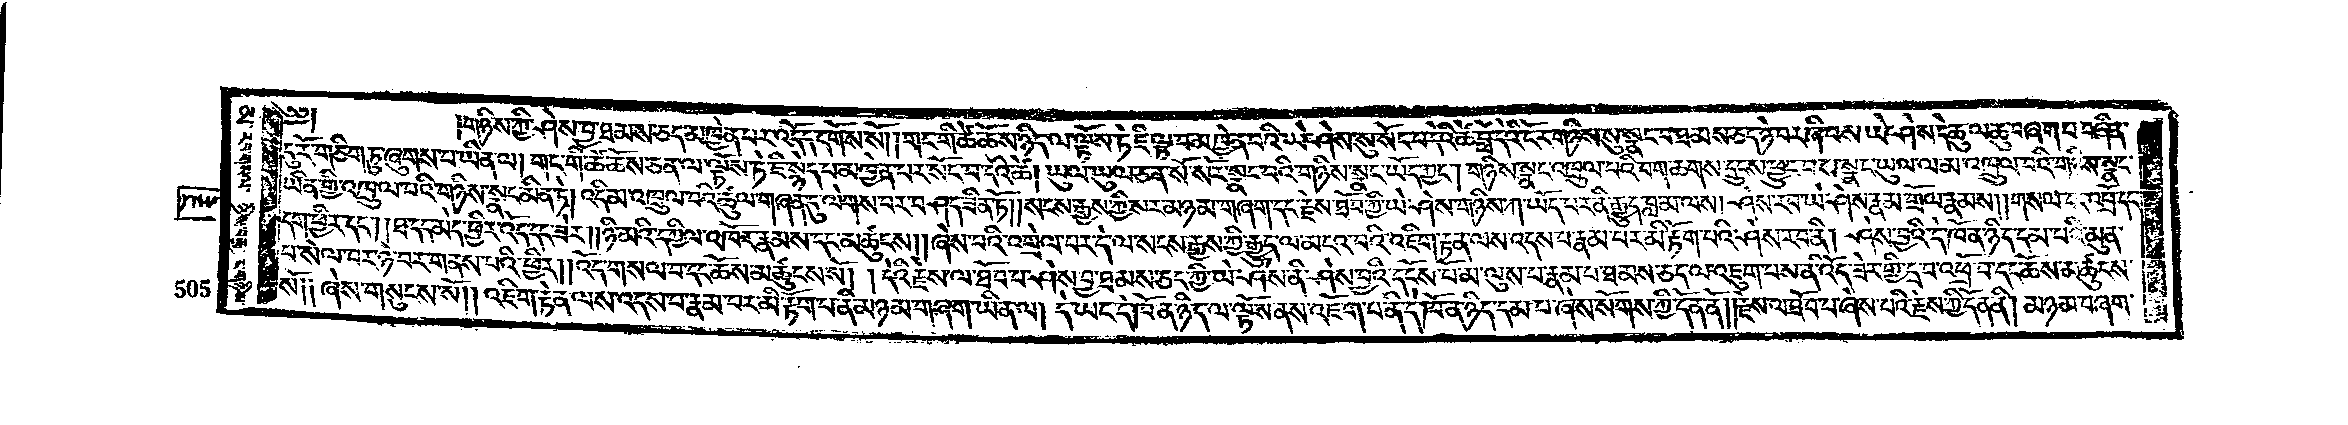༄༅། །གཉིས་ཀྱི་ཤེས་བྱ་ཐམས་ཅད་མཁྱེན་པར་འདོད་དགོས་སོ། །གང་གི་ཚེ་ཆོས་ཉིད་ལ་ལྟོས་ཏེ་ཇི་ལྟ་བ་མཁྱེན་པའི་ཡེ་ཤེས་སུ་སོང་བ་དེའི་ཚེ་བློ་དེའི་ངོར་གཉིས་སུ་སྣང་བ་ཐམས་ཅད་ཉེ་བར་ཞི་བས་ཡེ་ཤེས་དེ་ཆུ་ལ་ཆུ་བཞག་པ་བཞིན་
དུ་རོ་གཅིག་ཏུ་ཞུགས་པ་ཡིན་ལ། གང་གི་ཚེ་ཆོས་ཅན་ལ་ལྟོས་ཏེ་ཇི་སྙེད་པ་མཁྱེན་པར་སོང་བ་དེའི་ཚེ། ཡུལ་ཡུལ་ཅན་སོ་སོར་སྣང་བའི་གཉིས་སྣང་ཡོད་ཀྱང་། གཉིས་སྣང་འཁྲུལ་བའི་བག་ཆགས་དྲུངས་ཕྱུང་བས་སྣང་ཡུལ་ལ་མ་འཁྲུལ་བའི་གཉིས་སྣང་
ཡིན་གྱི་འཁྲུལ་བའི་གཉིས་སྣང་མིན་ཏེ། འདི་མ་འཁྲུལ་བའི་ཚུལ་གཞན་དུ་ལེགས་པར་བཤད་ཟིན་ཏོ། །སངས་རྒྱས་ཀྱི་སར་མཉམ་གཞག་དང་རྗེས་ཐོབ་ཀྱི་ཡེ་ཤེས་གཉིས་ཀ་ཡོད་པར་ནི་རྒྱུད་བླ་མ་ལས། ཤེས་རབ་ཡེ་ཤེས་རྣམ་གྲོལ་རྣམས། །གསལ་དང་འཕྲོ་དང་
དག་ཕྱིར་དང་། །ཐ་དད་མེད་ཕྱིར་འོད་དང་ཟེར། །ཉི་མའི་དཀྱིལ་འཁོར་རྣམས་དང་མཚུངས། །ཞེས་པའི་འགྲེལ་བར་དེ་ལ་སངས་རྒྱས་ཀྱི་རྒྱུད་ལ་མངའ་བའི་འཇིག་རྟེན་ལས་འདས་པ་རྣམ་པར་མི་རྟོག་པའི་ཤེས་རབ་ནི། ཤེས་བྱའི་དེ་ཁོ་ན་ཉིད་དམ་པའི་མུན་
པ་སེལ་བར་ཉེ་བར་གནས་པའི་ཕྱིར། །འོད་གསལ་བ་དང་ཆོས་མཚུངས་སོ། །དེའི་རྗེས་ལ་ཐོབ་པ་ཤེས་བྱ་ཐམས་ཅད་ཀྱི་ཡེ་ཤེས་ནི་ཤེས་བྱའི་དངོས་པོ་མ་ལུས་པ་རྣམ་པ་ཐམས་ཅད་ལ་འཇུག་པས་ནི་འོད་ཟེར་གྱི་དྲ་བ་འཕྲོ་བ་དང་ཆོས་མཚུངས་
སོ། །ཞེས་གསུངས་སོ། །འཇིག་རྟེན་ལས་འདས་པ་རྣམ་པར་མི་རྟོག་པ་ནི་མཉམ་གཞག་ཡིན་ལ། དེ་ཡང་དེ་ཁོ་ན་ཉིད་ལ་ལྟོས་ནས་འཇོག་པ་ནི་དེ་ཁོ་ན་ཉིད་དམ་པ་ཞེས་སོགས་ཀྱི་དོན་ནོ། །རྗེས་ལ་ཐོབ་པ་ཞེས་པའི་རྗེས་ཀྱི་དོན་ནི། མཉམ་བཞག་